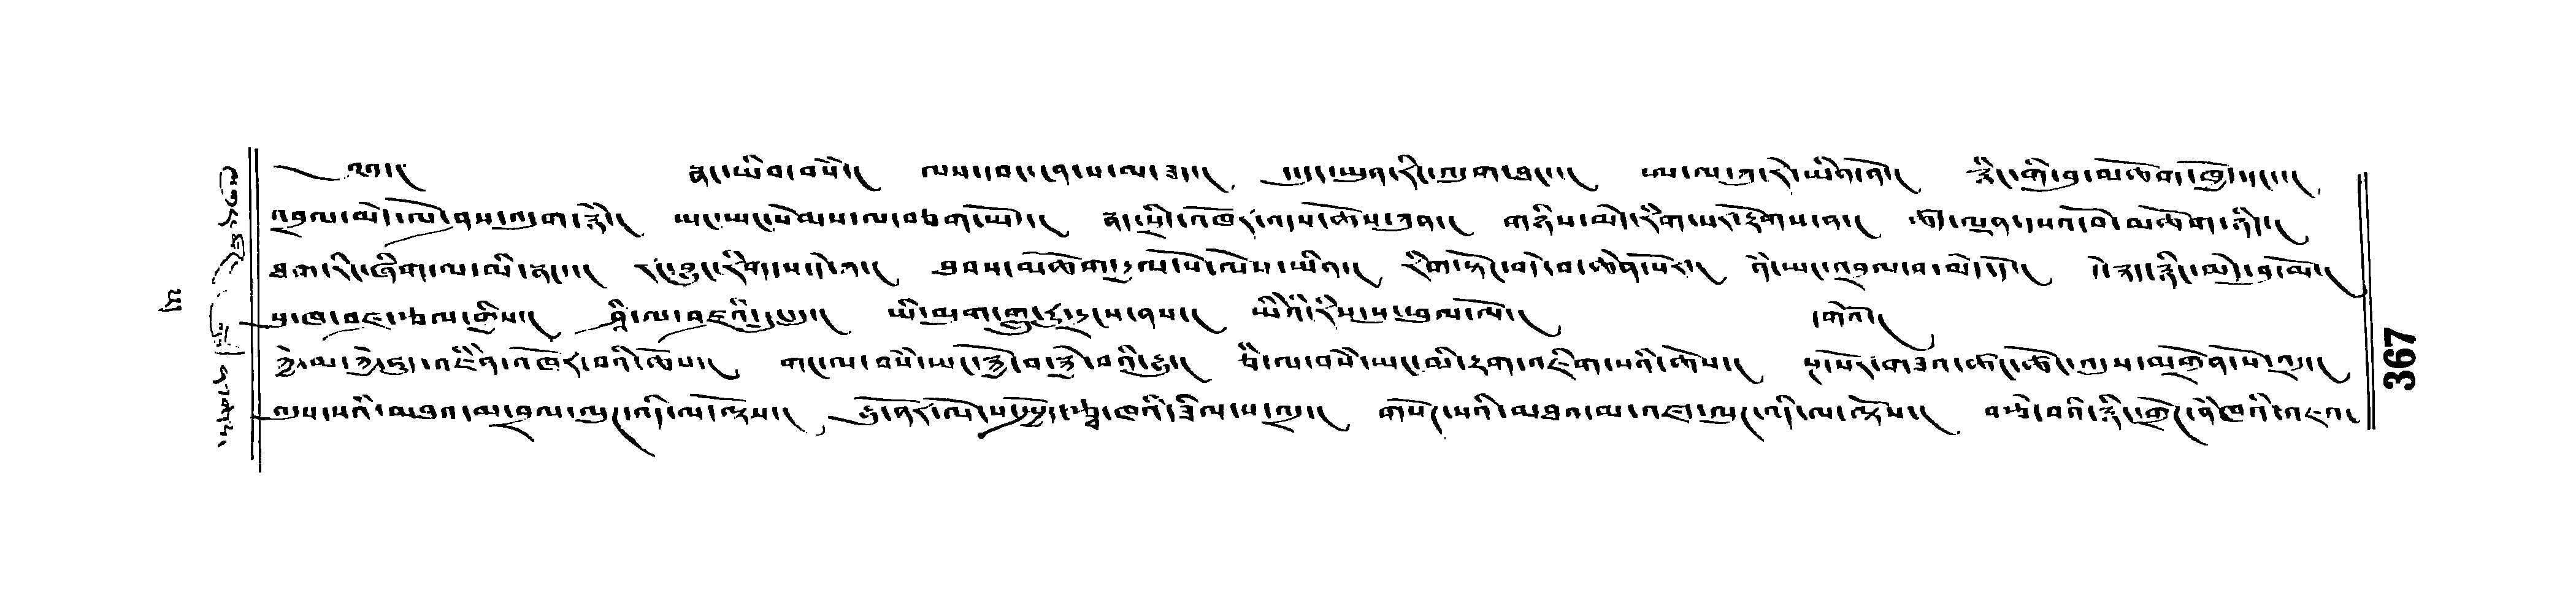སྣང་ཡིབ་བསམ། །ལས་དབང་ངན་པ་མ་ཟད། །ད་དུང་ཡུན་རིང་འདུག་ཐང་། །ཨ་ལ་ཀུ་རེ་ཡིན་ནོ། །སྙིང་གི་བུ་མཆོག་ཁྱོད་དང་། །
འབྲལ་མེད་ལོ་ཤས་འདུག་སྙམ། །ཡང་ཡང་སེམས་ལ་བཅག་ཡོད། །སྣང་སྲིད་འཁོར་འདས་ཆོས་ཀུན། །གཉིས་མེད་རིག་པར་རྟོགས་ན། །ཚད་ལྡན་དཔའ་བོ་མཆོག་ཉིད། །
ཐག་རིང་ཞིག་ལ་མི་སྣང་། །རང་བྱུང་རིག་པ་དེ་ཀ །ཐབས་མཆོག་རྒྱལ་པོ་ལོས་ཡིན། །རིག་སྟོང་བདེ་བ་ཆེན་པོར། །ནམ་ཡང་འབྲལ་བ་མེད་དོ། །དེ་སྐད་སྙིང་མེད་བུ་མོ། །
སུ་ཁ་བཛྲ་རྩལ་གྱིས། །ཤཱི་ལ་བཛྲའི་དྲུང་དུ། །ཡི་མུག་གླུ་རུ་དྲངས་ནས། །ཡི་གེའི་རིས་སུ་ཕུལ་ལོ། དགེའོ།།
 ཀྱེ་མ་ཀྱེ་ཧུད་འཇིག་རྟེན་འཁོར་བའི་ཆོས། །གང་ལ་བསམ་ཡང་སྐྱོ་བ་སྐྱེ་བའི་རྒྱུ། །ཅི་ལ་བསམ་ཡང་མི་རྟག་འཇིག་པའི་ཆོས། །སྔ་སོར་གཟའ་ཚང་ཚོང་འདུས་མགྲོན་པོ་འདྲ། །
འདུས་པའི་མཐའ་མ་བྲལ་ལུགས་འདི་ལ་ལྟོས། །རྒྱུ་ནོར་ལོངས་སྤྱོད་རྩྭ་ཁའི་ཟིལ་པ་འདྲ། །གསོགས་པའི་མཐའ་མ་འཛད་ལུགས་འདི་ལ་ལྟོས། །བརྩེ་བའི་སྙིང་གྲོགས་ནམ་མཁའི་འཇའ་